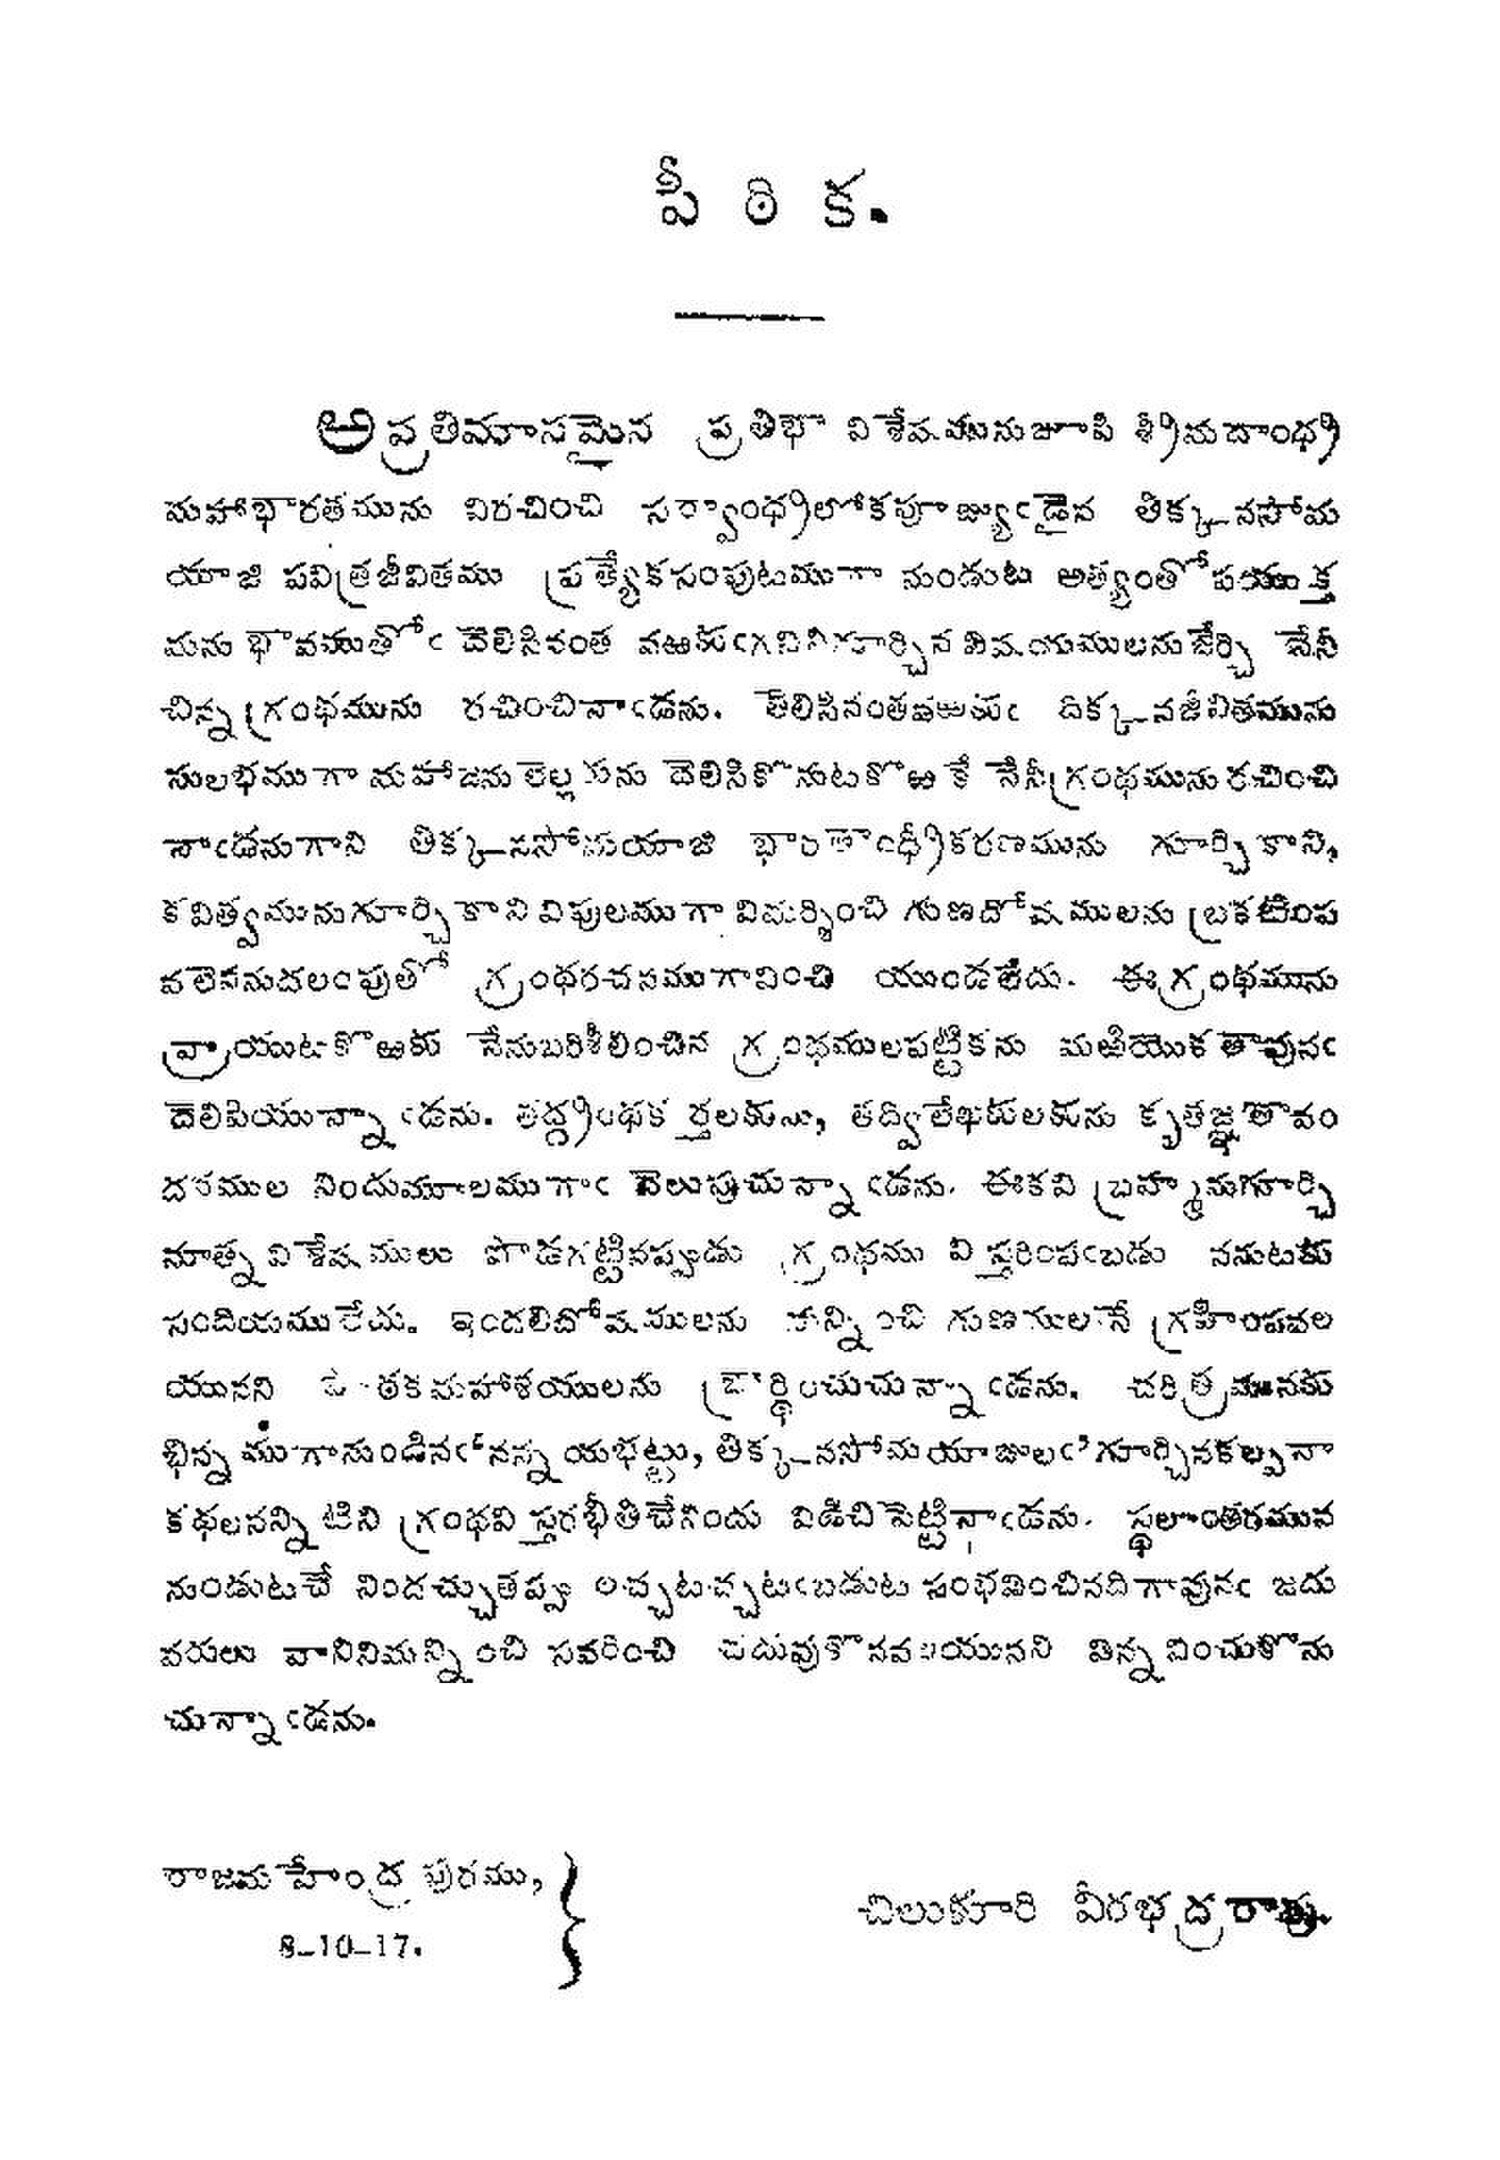పీఠిక.

అప్రతిమానమైన ప్రతిభా విశేషమునుజూపి శ్రీమదాంధ్ర మహాభారతమును విరచించి సర్వాంధ్రలోకపూజ్యుఁడైన తిక్కనసోమయాజి పవిత్రజీవితము ప్రత్యేకసంపుటముగా నుండుట అత్యంతోపయుక్తమను భావముతోఁ దెలిసినంత వఱకుఁగవినిగూర్చిన విషయములనుజేర్చి నేనీ చిన్న గ్రంథమును రచించినాఁడను. తెలిసినంతవఱకుఁ దిక్కనజీవితమును సులభముగా మహాజనులెల్లరును దెలిసికొనుటకొఱకే నేనీగ్రంథమునురచించినాఁడనుగాని తిక్కనసోమయాజి భారతాంధ్రీకరణమును గూర్చికాని, కవిత్వమునుగూర్చికాని విపులముగా విమర్శించి గుణదోషములను బ్రకటింపవలెననుదలంపుతో గ్రంథరచనము గావించి యుండలేదు. ఈగ్రంథమును వ్రాయుటకొఱకు నేనుబరిశీలించిన గ్రంథములపట్టికను మఱియొకతావునఁ దెలిపియున్నాఁడను. తద్గ్రంథకర్తలకును, తద్విలేఖకులకును కృతజ్ఞతావందనముల నిందుమూలముగాఁ దెలుపుచున్నాఁడను. ఈకవి బ్రహ్మనుగూర్చి నూత్నవిశేషములు పొడగట్టినప్పుడు గ్రంథము విస్తరింపఁబడు ననుటకు సందియములేదు. ఇందలిదోషములను మన్నించి గుణములనే గ్రహింపవలయునని పాఠకమహాశయులను బ్రార్థించుచున్నాఁడను. చరిత్రమునకు భిన్నముగానుండినఁ 'నన్నయభట్టు, తిక్కనసోమయాజులఁ' గూర్చినకల్పనా కథలనన్నిటిని గ్రంథవిస్తరభీతిచేనిందు విడిచిపెట్టినాఁడను. స్థలాంతరమున నుండుటచే నిందచ్చుతప్పు లచ్చటచ్చటఁబడుట సంభవించినది గావునఁ జదువరులు వానినిమన్నించి సవరించి చదువుకొనవయునని విన్నవించుకొను చున్నాఁడను.

రాజమహేంద్రపురము,

8 - 10 - 17,